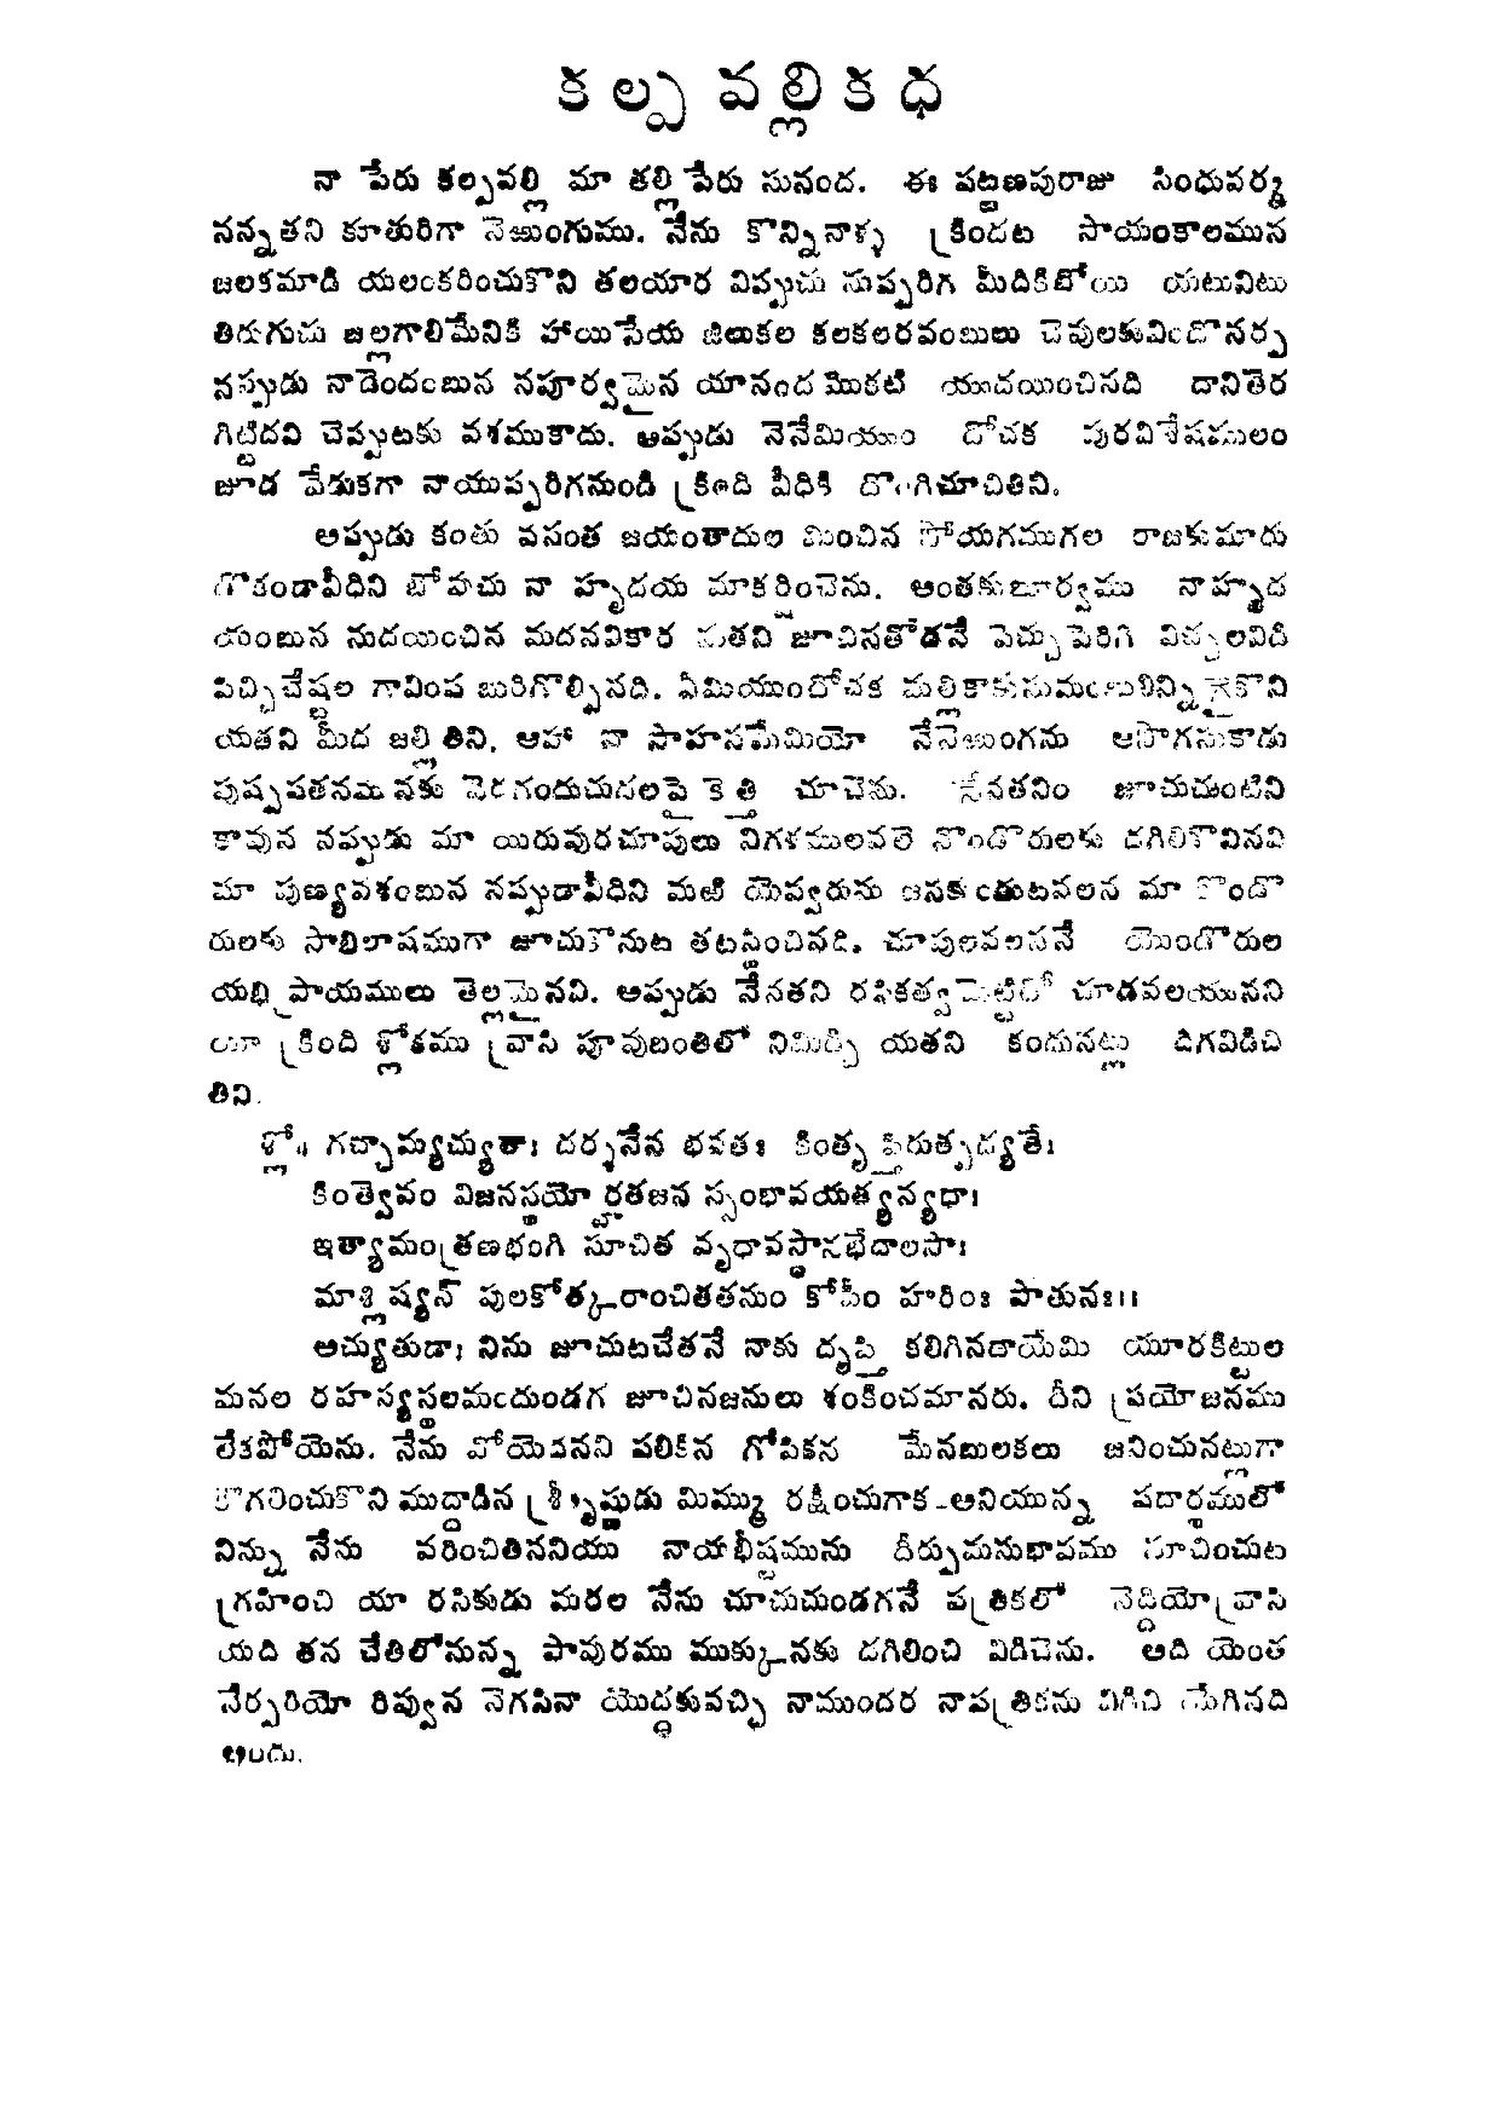కల్పవల్లి కథ

నా పేరు కల్పవల్లి మా తల్లి పేరు సునంద. ఈ పట్టణపురాజు సింధువర్మ నన్నతని కూతురిగా నెఱుంగుము. నేను కొన్నినాళ్ళ క్రిందట సాయంకాలమున జలకమాడి యలంకరించుకొని తలయారవిప్పుచు నుప్పరిగమీదికి బోయి యటునిటు తిరుగుచు జల్లగాలి మేనికి హాయిసేయ జిలుకల కలకలరవంబులు చెవులకు విందొనర్ప నప్పుడు నాడెందంబున నపూర్వమైన యానందమొకటి యుదయించినది దానితెర గిట్టిదని చెప్పుటకు వశముకాదు. అప్పుడు నే నేమియుం దోచక పురవిశేషములం జూడ వేడుకగా నాయుప్పరిగనుండి క్రింది వీథికి దొంగిచూచితిని.

అప్పుడు కంతు వసంత జయంతాదుల మించిన సోయగముగల రాజకుమారు డొకండావీథిని బోవుచు నా హృదయ మాకర్షించెను. అంతకుబూర్వము నాహృదయంబున నుదయించిన మదనవికార మతని జూచినతోడనే పెచ్చుపెరిగి విచ్చలవిడి పిచ్చిచేష్టల గావింప బురిగొల్పినది. ఏమియుందోచక మల్లికాకుసుమంబులిన్నిగైకొని యతని మీద జల్లితిని. ఆహా నా సాహసమేమియో నేనెఱుంగను ఆసొగసుకాడు పుష్పపతనమునకు వెరగందుచు దల పై కెత్తి చూచెను. నేనతనిం జూచుచుంటిని కావున నప్పుడు మా యిరువురచూపులు నిగళములవలె నొండొరులకు దగిలికొనినవి. మా పుణ్యవశంబున నప్పుడావీథిని మఱి యెవ్వరును జనకుండుటవలన మా కొండొరులకు సాభిలాషముగా జూచుకొనుట తటస్థించినది. చూపులవలననే యొండొరుల యభిప్రాయములు తెల్లమైనవి. అప్పుడు నేనతని రషికత్వమెట్టిదో చూడవలయునని యీ క్రింది శ్లోకము వ్రాసి పూవుబంతిలో నిమిడ్చి యతని కందునట్లు దిగవిడిచితిని.

శ్లో॥ గచ్చామ్యచ్యుతా! దర్శనేన భవతః కింతృప్తిరుత్పద్యతే!
 కింత్వెవం విజనస్థయో ర్హతజన స్సంభావయత్యన్యధా!
 ఇత్యామంత్రణభంగి సూచిత వృధావస్థానభేదాలసా!
 మాశ్లిష్యన్ పులకోత్కరాంచితతనుం కోపీం హరింః పాతునః॥
అచ్యుతుడా! నిను జూచుటచేతనే నాకు దృప్తి కలిగినదాయేమి యూరకిట్టుల మనల రహస్యస్థలమందుండగ జూచినజనులు శంకించమానరు. దీని ప్రయోజనము లేకపోయెను. నేను వోయెదనని పలికిన గోపికన మేనబులకలు జనించునట్లుగా కౌగలించుకొని ముద్దాడిన శ్రీకృష్ణుడు మిమ్ము రక్షించుగాక - అనియున్న పదార్థములో నిన్ను నేను వరించితిననియు నాయభీష్టమును దీర్పుమనుభావము సూచించుట గ్రహించి యా రసికుడు మరల నేను చూచుచుండగనే పత్రికలో నెద్దియోవ్రాసి యది తన చేతిలోనున్న పావురము ముక్కునకు దగిలించి విడిచెను. అది యెంత నేర్పరియో రివ్వున నెగసినా యొద్దకువచ్చి నాముందర నాపత్రికను విడిచి యేగినది అందు